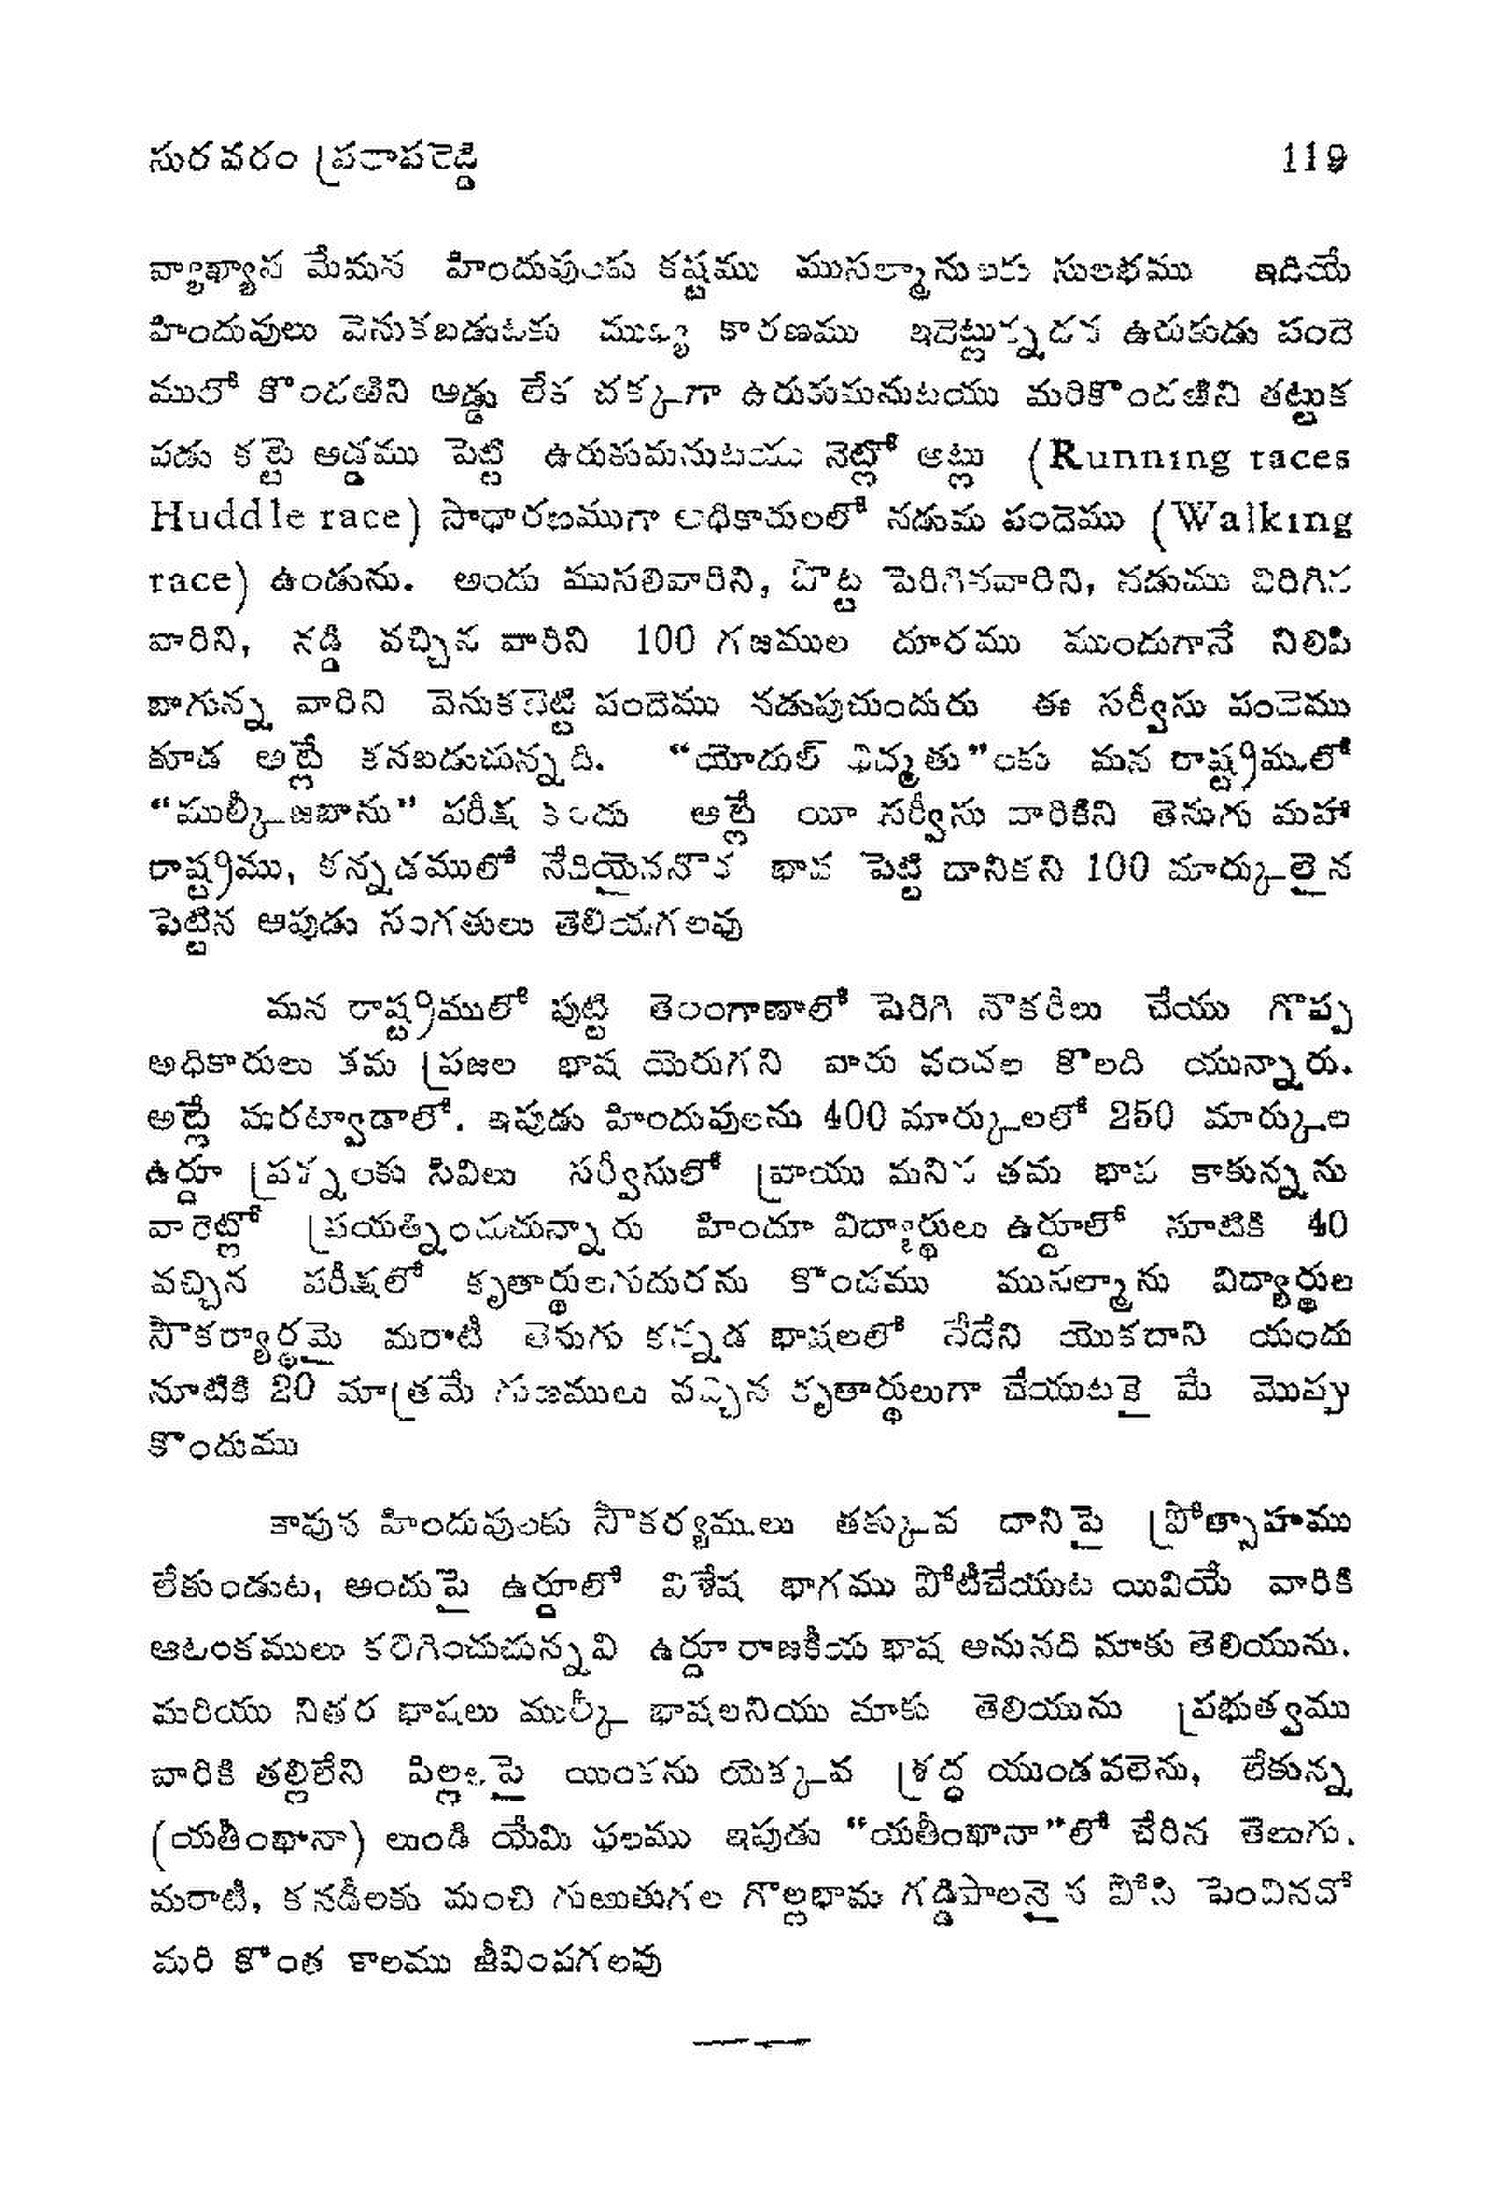వ్యాఖ్యాన మేమన హిందువులకు కష్టము ముసల్మానులకు సులభము ఇదియే హిందువులు వెనుకబడుటకు ముఖ్య కారణము ఇదెట్లున్నదన ఉరుకుడు పందెములో కొందఱిని అడ్డు లేక చక్కగా ఉరుకుమనుటయు మరికొందఱిని తట్టుకపడు కట్టె అడ్డము పెట్టి ఉరుకుమనుటయు నెట్లో ఆట్లు (Running races Huddle race) సాధారణముగా అధికారులలో నడుమ పందెము (Walking race) ఉండును. అందు ముసలివారిని, పొట్ట పెరిగినవారిని, నడుము విరిగిన వారిని, నడ్డి వచ్చిన వారిని 100 గజముల దూరము ముందుగానే నిలిపి బాగున్న వారిని వెనుకబెట్టి పందెము నడుపుచుందురు ఈ సర్వీసు పందెము కూడ అట్లే కనబడుచున్నది. 'యోదుల్ ఖద్మతు "లకు మన రాష్ట్రములో "ముల్కీ జబాను" పరీక్ష కలదు అట్లే యీ సర్వీసు వారికిని తెనుగు మహారాష్ట్రము, కన్నడములో నేదియైననొక భాష పెట్టి దానికని 100 మార్కులైన పెట్టిన అపుడు సంగతులు తెలియగలవు

మన రాష్ట్రములో పుట్టి తెలంగాణాలో పెరిగి నౌకరీలు చేయు గొప్ప అధికారులు తమ ప్రజల భాష యెరుగని వారు వందల కొలది యున్నారు. అట్లే మరట్వాడాలో. ఇపుడు హిందువులను 400 మార్కులలో 250 మార్కుల ఉర్దూ ప్రశ్నలకు సివిలు సర్వీసులో వ్రాయు మనిన తమ భాష కాకున్నను వారెట్లో ప్రయత్నించుచున్నారు హిందూ విద్యార్థులు ఉర్దూలో నూటికి 40 వచ్చిన పరీక్షలో కృతార్థులగుదురను కొందము ముసల్మాను విద్యార్థుల సౌకర్యార్థమై మరాటీ తెనుగు కన్నడ భాషలలో నేదేని యొకదాని యందు నూటికి 20 మాత్రమే గుణములు వచ్చిన కృతార్థులుగా చేయుటకై మే మొప్పు కొందుము

కావున హిందువులకు సౌకర్యములు తక్కువ దానిపై ప్రోత్సాహము లేకుండుట, అందుపై ఉర్దూలో విశేష భాగము పోటీచేయుట యివియే వారికి ఆటంకములు కలిగించుచున్నవి ఉర్దూ రాజకీయ భాష అనునది మాకు తెలియును.
మరియు నితర భాషలు ముల్కీ భాషలనియు మాకు తెలియును ప్రభుత్వము వారికి తల్లిలేని పిల్లలపై యింకను యెక్కవ శ్రద్ధ యుండవలెను, లేకున్న (యతీంఖానా) లుండి యేమి ఫలము ఇప్పుడు “యతీంఖానా”లో చేరిన తెలుగు, మరాటీ, కనడీలకు మంచి గుఱుతుగల గొల్లభామ గడ్డిపాలనైన పోసి పెంచినచో మరి కొంత కాలము జీవింపగలవు